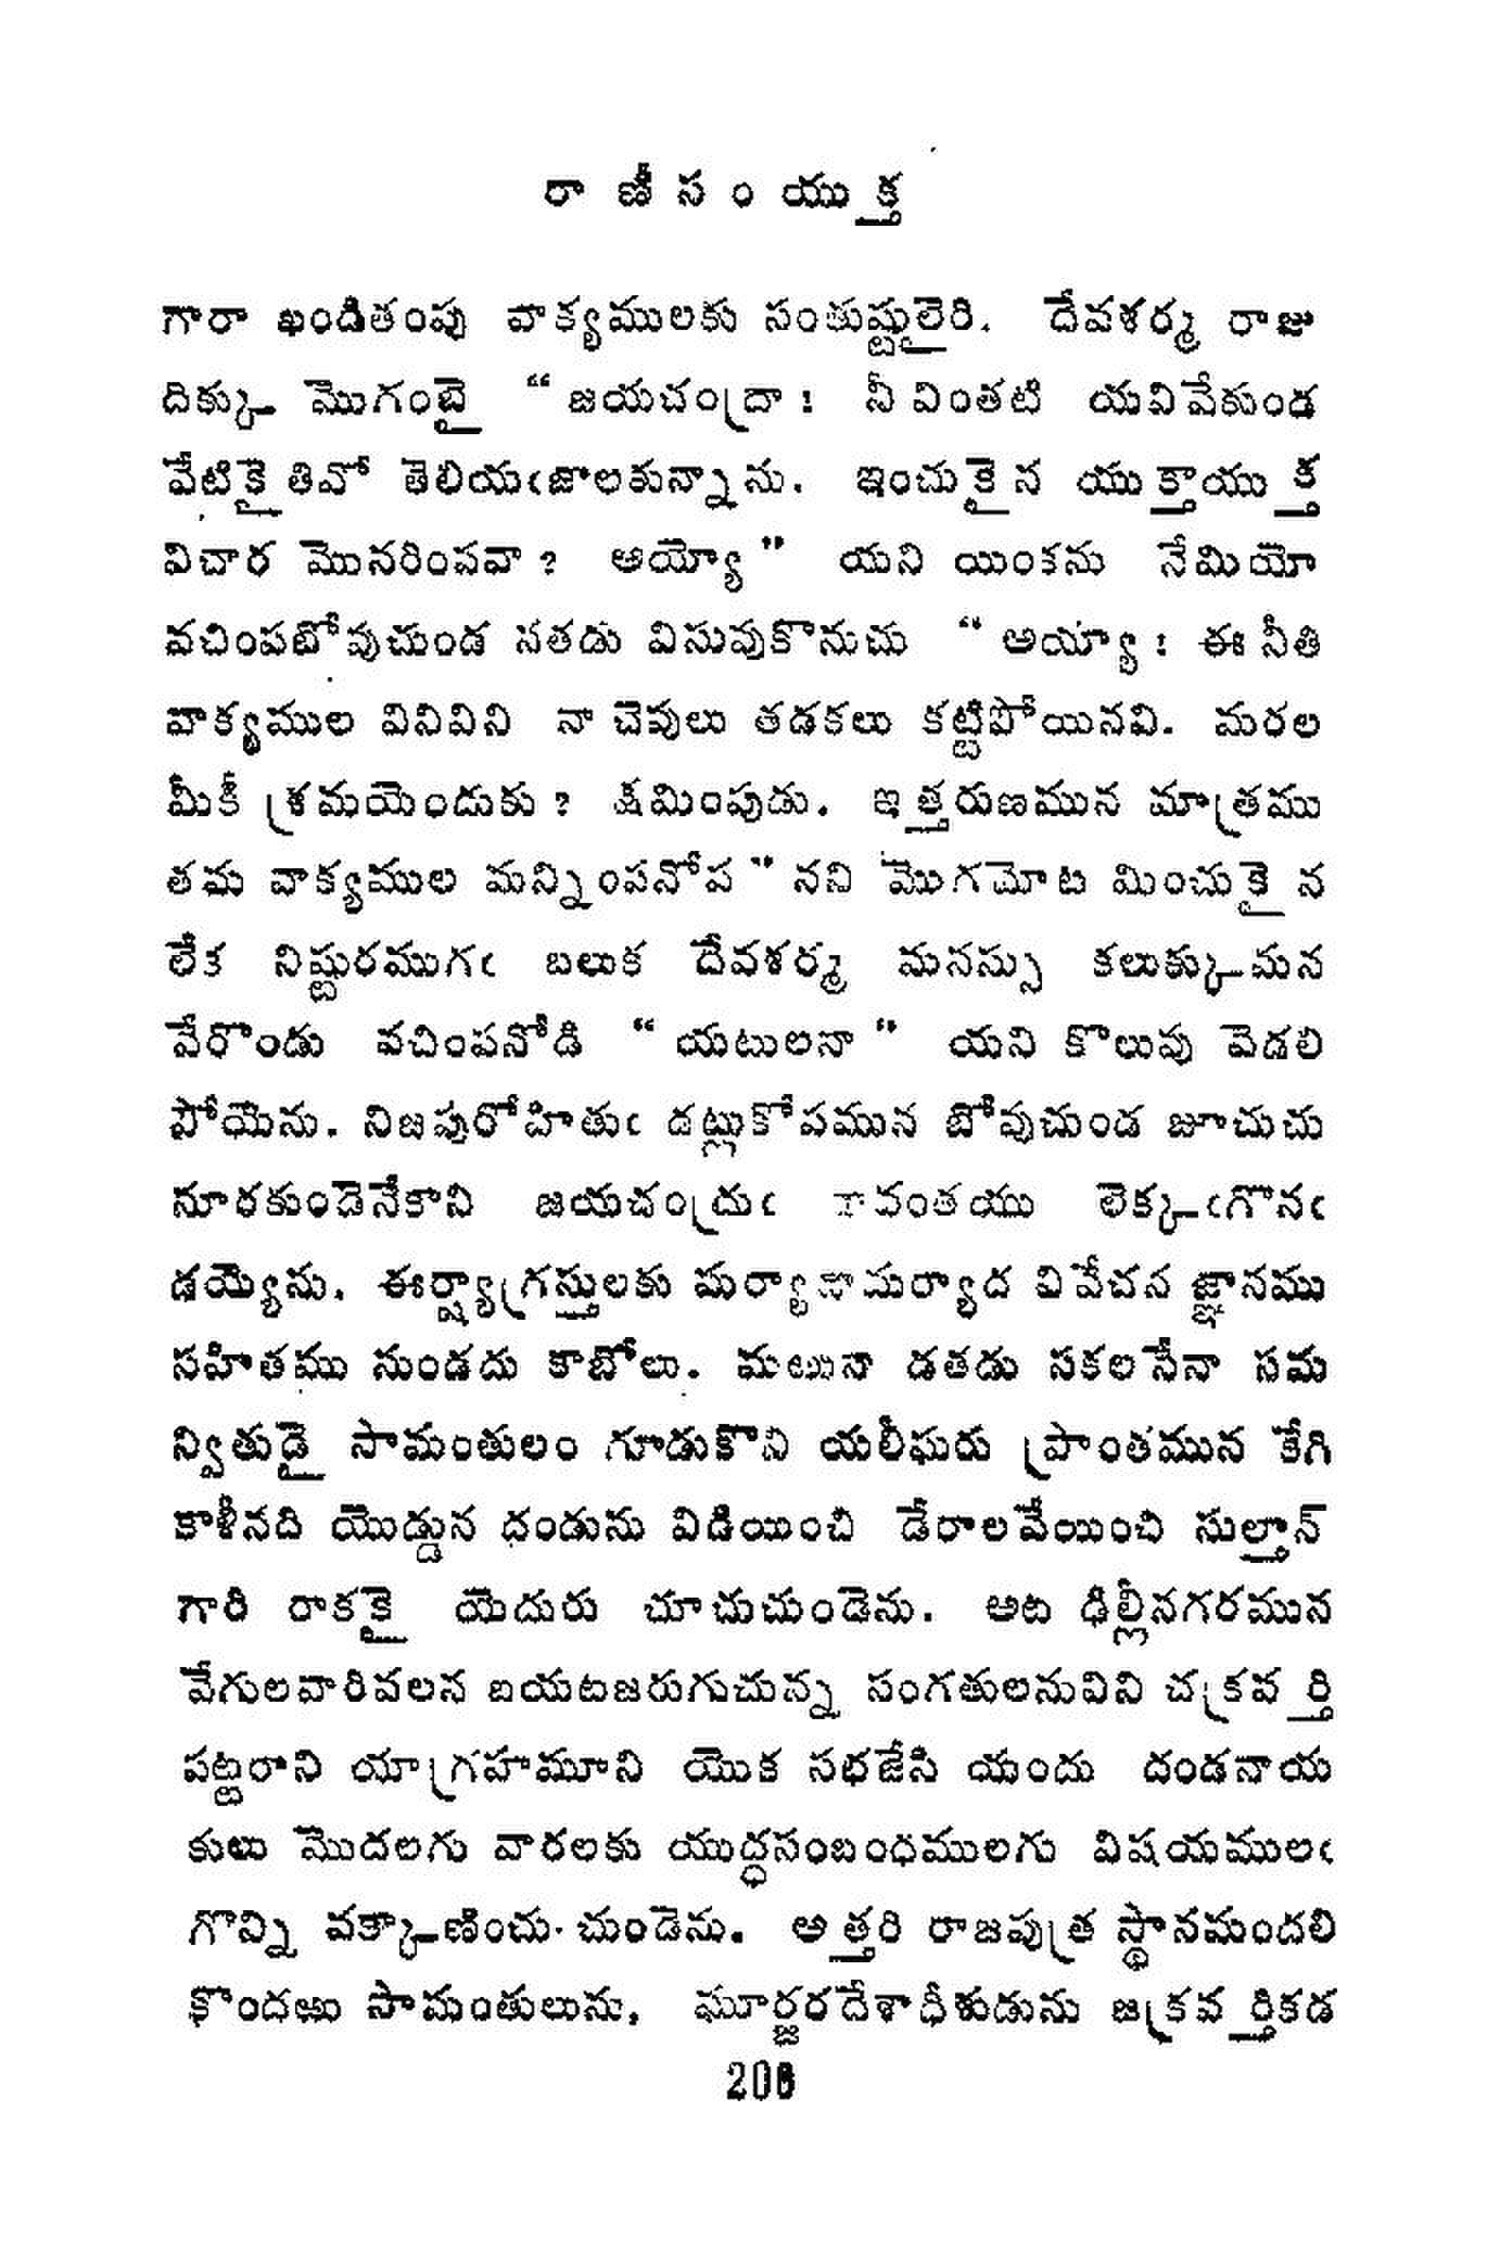గారా ఖండితంపు వాక్యములకు సంతుష్టులైరి. దేవశర్మ రాజు దిక్కు మొగంబై " జయచంద్రా ! నీ వింతటి యవివేకుండ వేటికైతివో తెలియఁజాలకున్నాను. ఇంచుకైన యుక్తాయుక్త విచార మొనరింపవా? అయ్యో " యని యింకను నేమియో వచింపబోవుచుండ నతడు విసువుకొనుచు “అయ్యా ! ఈ నీతి వాక్యముల వినివిని నా చెవులు తడకలు కట్టిపోయినవి. మరల మీకీ శ్రమయెందుకు ? క్షమింపుడు. ఇత్తరుణమున మాత్రము తమ వాక్యముల మన్నింపనోప " నని మొగమోట మించుకైన లేక నిష్ఠురముగఁ బలుక దేవశర్మ మనస్సు కలుక్కుమన వేరొండు వచింపనోడి "యటులనా " యని కొలువు వెడలి పోయేను. నిజపురోహితుఁ డట్లుకోపమున బోవుచుండ జూచుచు నూరకుండెనేకానీ జయచంద్రుఁ దావంతయు లెక్కఁగొనఁ డయ్యెను. ఈర్ష్యాగ్రస్తులకు మర్యాదామర్యాద వివేచన జ్ఞానము సహితము నుండదు కాబోలు. ముఱునా డతడు సకల సేనా సమన్వితుడై సామంతులం గూడుకొని యలీఘరు ప్రాంతమున కేగి కాళీనది యొడ్డున ధండును విడియించి డేరాలవేయించి సుల్తాన్‌గారి రాకకై యెదురు చూచుచుండెను. అట ఢిల్లీనగరమున వేగులవారివలన బయట జరుగుచున్న సంగతులను విని చక్రవర్తి పట్టరాని యాగ్రహమూని యొక సభజేసి యందు దండనాయకులు మొదలగు వారలకు యుద్ధసంబంధములగు విషయములఁ కొన్ని వక్కాణించు చుండెను. అత్తరి రాజపుత్ర స్థానమందలి కొందఱు సామంతులును, ఘూర్జరదేశాధీశుడును జక్రవర్తికడ